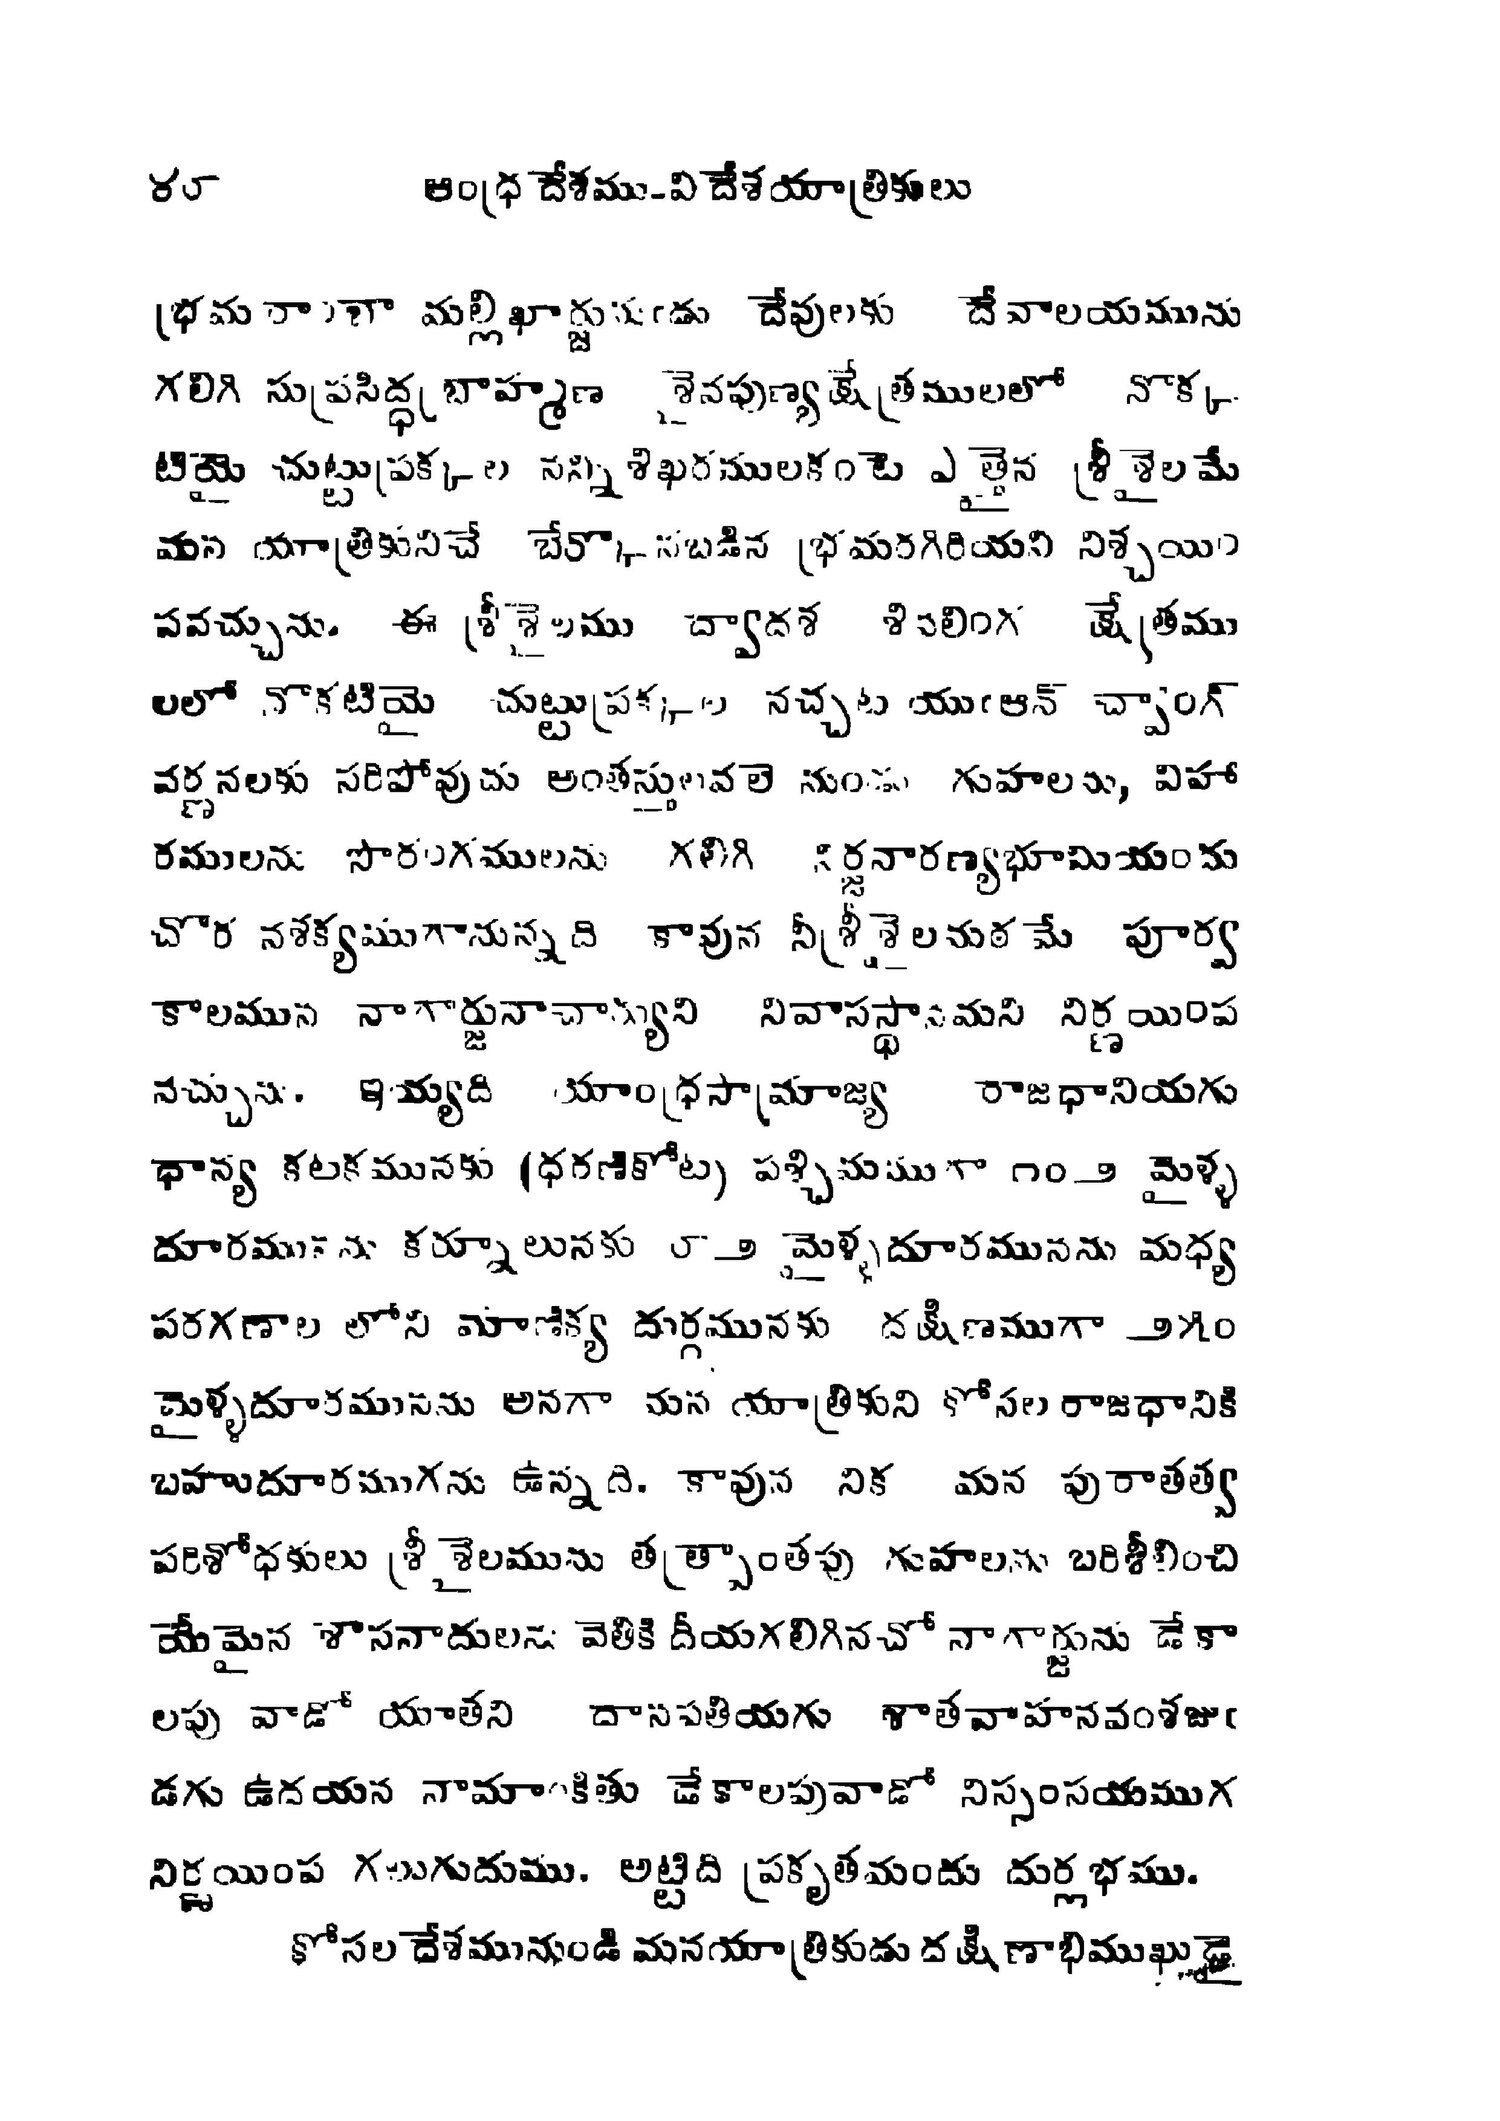భ్రమరాంబా మల్లిఖార్జునుడు దేవులకు దేవాలయమును గలిగి సుప్రసిద్ధబ్రాహ్మణ శైవపుణ్యక్షేత్రములలో నొక్కటియై చుట్టుప్రక్కల నన్నిశిఖరములకంటె ఎత్తైన శ్రీశైలమే మన యాత్రికునిచే బేర్కొనబడిన భ్రమరగిరియని నిశ్చయింపవచ్చును. ఈ శ్రీశైలము ద్వాదశ శివలింగ క్షేత్రములలో నొకటియై చుట్టుప్రక్కల నచ్చట యుఆన్ చ్వాంగ్ వర్ణనలకు సరిపోవుచు అంతస్తులవలె నుండు గుహలను, విహారములను సొరంగములను గలిగి నిర్జనారణ్యభూమియందు చొర నశక్యముగానున్నది కావున నీశ్రీశైలమఠమే పూర్వకాలమున నాగార్జునాచార్యుని నివాసస్థానమని నిర్ణయింపవచ్చును. ఇయ్యది యాంధ్రసామ్రాజ్య రాజధానియగు థాన్య కటకమునకు (ధరణికోట) పశ్చిమముగా 102 మైళ్ళ దూరమునను కర్నూలుకు 82 మైళ్ళదూరమునను మధ్య పరగణాల లోని మాణిక్య దుర్గమునకు దక్షిణముగా 250 మైళ్ళదూరమునను అనగా మన యాత్రికుని కోసల రాజధానికి బహుదూరముగను ఉన్నది. కావున నిక మన పురాతత్వ పరిశోధకులు శ్రీశైలమును తత్ప్రాంతపు గుహలను బరిశీలించి యేమైన శాసనాదులను వెతికి దీయగలిగినచో నాగార్జును డేకాలపు వాడో యాతని దానపతియగు శాతవాహనవంశజుడగు ఉదయన నామాంకితు డేకాలపువాడో నిస్సంసయముగ నిర్ణయింప గలుగుదుము. అట్టిది ప్రకృతమందు దుర్లభము.

కోసలదేశమునుండి మనయాత్రికుడు దక్షిణాభిముఖుడై